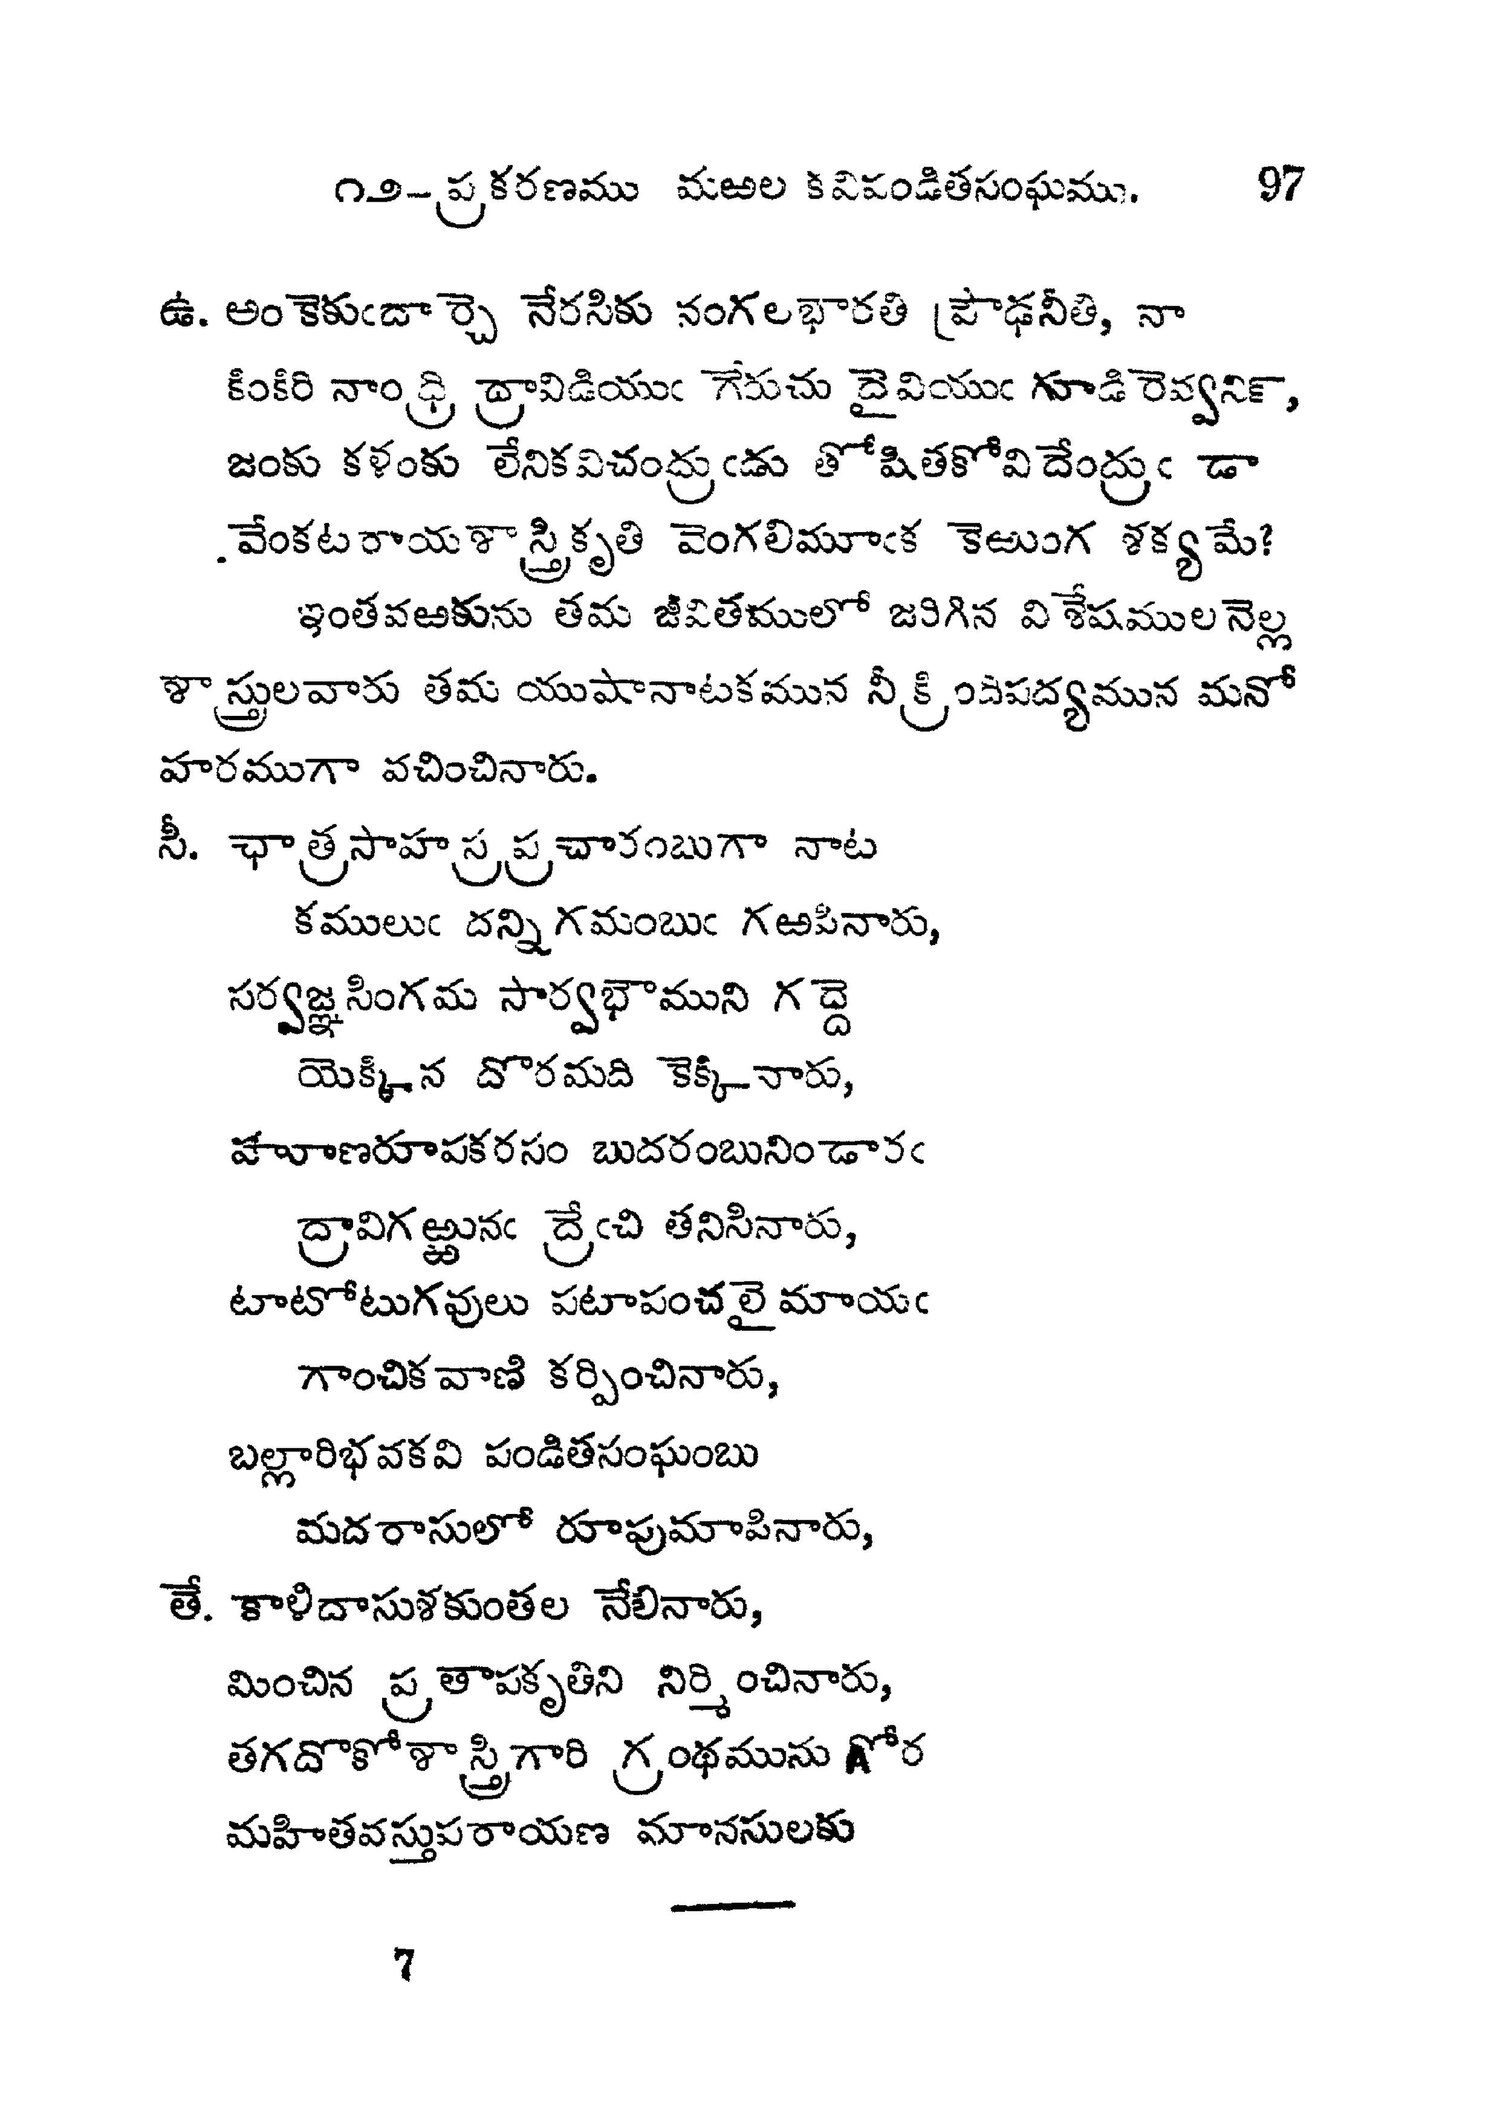ఉ. అంకెకుదార్చె నేరసికు నంగలభారతి ప్రౌడనీతి, నా
 కింకిరి నాంధ్రి ద్రావిడయు గేరుచు దైవియు గూడిరెవ్వనిన్,
 జంకు కళంకు లేనికవిచంద్రుడు తోషితకోవిదేంద్రు డా
 వేంకటరాయశాస్త్రికృతి వెంగలిమూక కెఱుంగ శక్యమే?

ఇంతవఱకును తమ జీవితములో జరిగిన విశేషములనెల్ల శాస్త్రులవారు తమ యుషానాటకమున నీక్రిందిపద్యమున మనోహరముగా వచించినారు.

సీ. ఛాత్రసాహస్రప్రచారంబుగా నాట
 కములు దన్నిగమంబు గఱపినారు,
 సర్వజ్ఞసింగమ సార్వభౌముని గద్దె
 యెక్కిన దొరమది కెక్కినారు,
 హూణరూపకరసం బుదరంబునిండార
 ద్రావిగఱ్ఱున ద్రేచి తనిసినారు,
 టాటోటుగవులు పటాపంచలైమాయ
 గాంచికవాణి కర్పించినారు,
 బల్లారిభవకవి పండితసంఘంబు
 మదరాసులో రూపుమాపినారు,

తే. కాళిదాసుశకుంతల నేలినారు,
 మించిన ప్రతాపకృతిని నిర్మించినారు,
 తగదొకోశాస్త్రిగారి గ్రంథమును గోర
 మహితవస్తుపరాయణ మానసులకు

___________